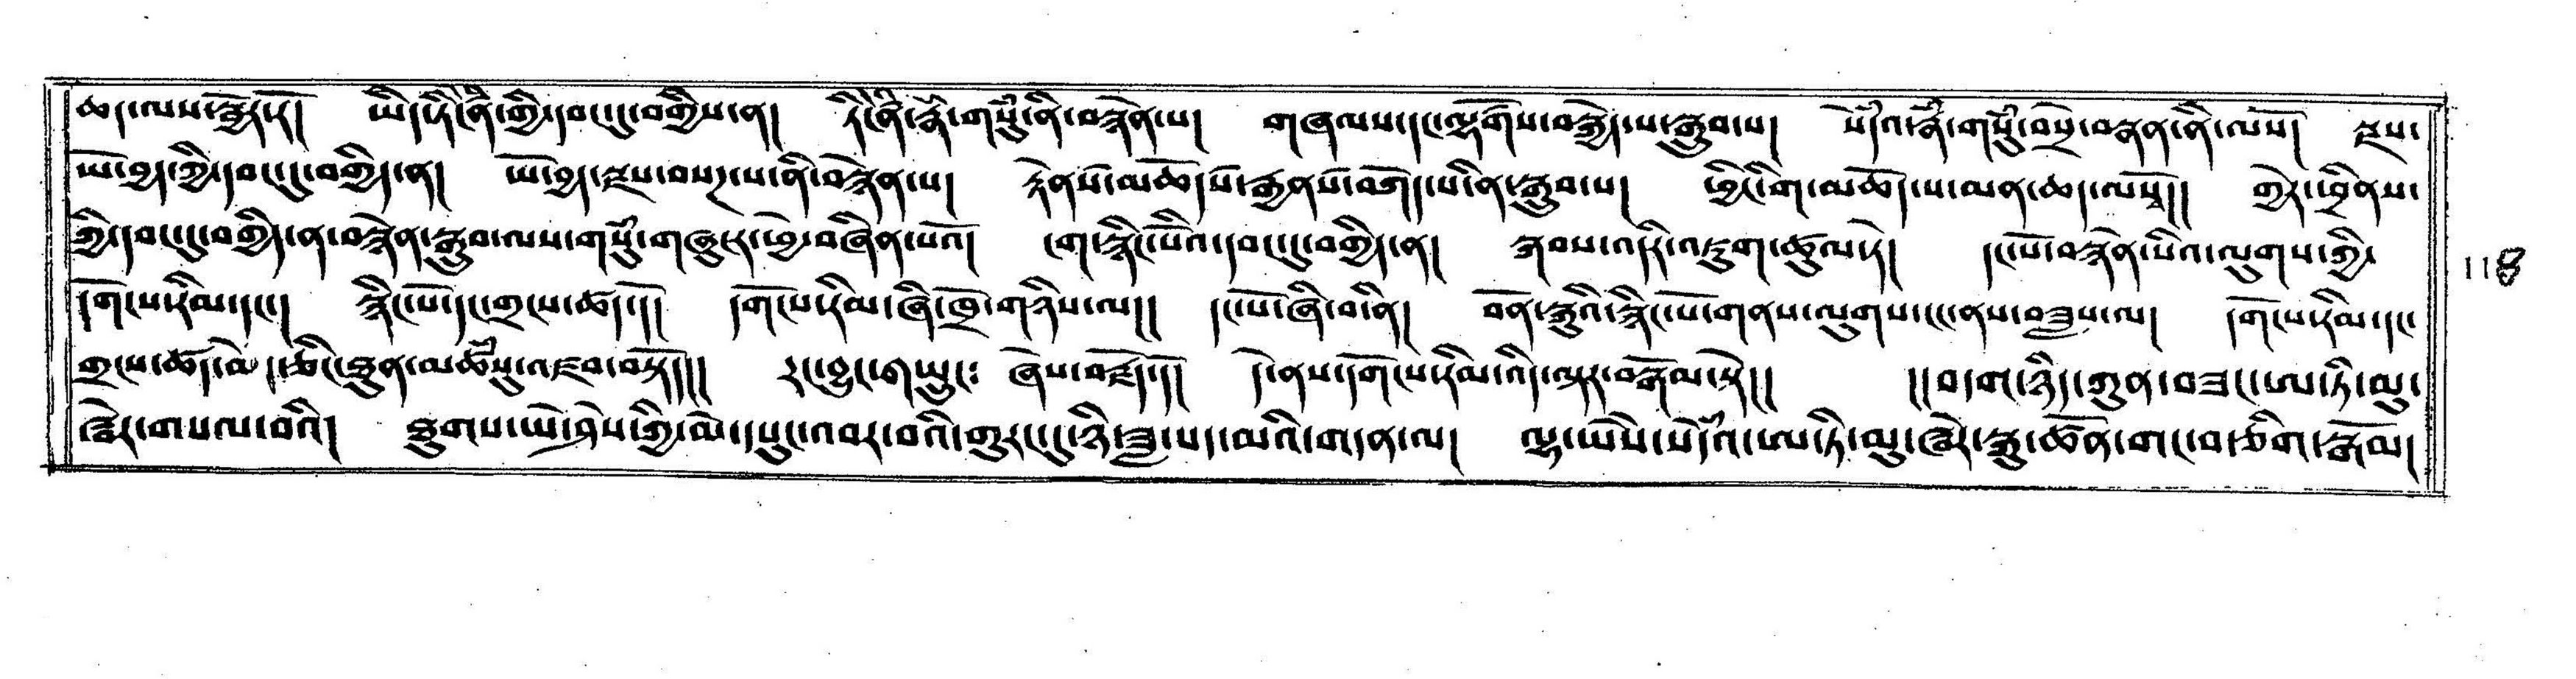ཆད་ལས་སྦྱོར་རོ། ཡིད་ཏིང་ངེ་འཛིན་གྱི་དབང་དུ་བགྱིས་ན། ཏིང་ངེ་འཛིན་རྣམ་གསུམ་ནི་བསྙེན་པ། གཞལ་ཡས་དང་ལྷ་ཚོགས་བསྐྱེད་པ་སྒྲུབ་པ། སེམས་དཔའ་རྣམ་གསུམ་བསྲེ་བསྣན་ནི་ལས་སོ། རྫས་
ཡོ་བྱད་ཀྱི་དབང་དུ་བགྱིད་ན། ཡོ་བྱད་རྫས་བསགས་པ་ནི་བསྙེན་པ། རྟེན་རྫས་མཆོད་རྫས་རྒྱན་རྫས་བཀོད་པ་ནི་སྒྲུབ་པ། ཕྱི་ནང་གི་མཆོད་པ་མན་ཆད་ལས་སོ།། གྱེར་ཕྲིན་ལས་
ཀྱི་དབང་དུ་བགྱིད་ན་བསྙེན་སྒྲུབ་ལས་གསུམ་གཞུང་ལྟར་ཕྱེ་བཞིན་པའོ། ངག་སྙིང་པོའི་དབང་དུ་བགྱིད་ན། སྐབས་འདིར་འཇུག་ཚུལ་ཏེ། དང་པོ་བསྙེན་པའི་ལུགས་ཀྱི་
དགོངས་རིམ་དང་། སྙིང་པོ་དང་གྲངས་ཚད་དོ། དགོངས་རིམ་ཞི་ཁྲོ་གཉིས་ལ།། དང་པོ་ཞི་བ་ནི། བོན་སྐུའི་སྙིང་པོ་གནས་ལུགས་ངང་ནས་བཟླས་ལ། དགོངས་རིམ་དང་
གྲངས་ཚད་མེད་ཅིང་ཐུན་མཚམས་སུ་འཛབ་བསྟོད།། རང་བྱུང་གཡུང་དྲུང་༴ ཞེས་བརྗོད་དོ། དེ་ནས་དགོངས་རིམ་འདི་ལྟར་བསྒོམ་སྟེ།། །།བདག་ཉིད་ཀུན་བཟང་ཨ་ཏི་མུ་
ཝེར་གསལ་བའི། ཐུགས་ཡེ་ཤེས་ཀྱི་མེ་དཔུང་འབར་བའི་གྱུར་དུ་ཉི་ཟླ་པད་མའི་གདན་ལ། ལྷ་ཡེ་ཤེས་སེམས་དཔའ་ཨ་ཏི་མུ་ཝེར་སྐུ་ཚོན་གང་བ་ཅིག་སྒོམ།